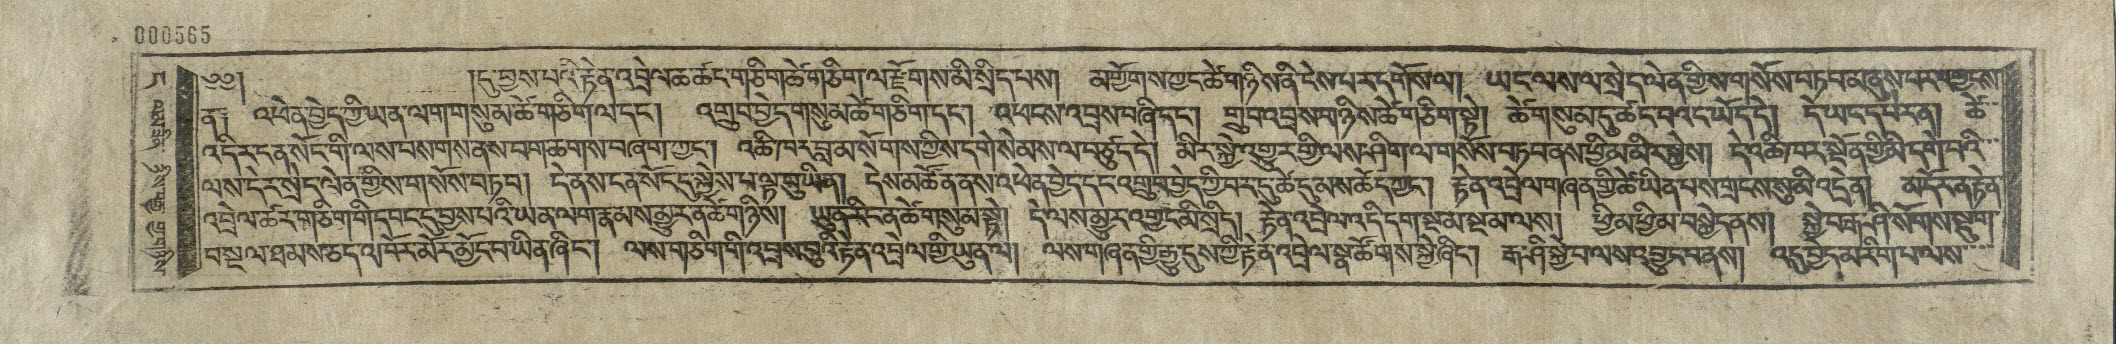༄༅། །དུ་བྱས་པའི་རྟེན་འབྲེལ་ཆ་ཚང་གཅིག་ཚེ་གཅིག་ལ་རྫོགས་མི་སྲིད་པས། མགྱོགས་ཀྱང་ཚེ་གཉིས་ནི་ངེས་པར་དགོས་ལ། ཡང་ལས་ལ་སྲེད་ལེན་གྱིས་གསོས་བཏབ་མ་ནུས་པར་འགྱངས་
ན༑ འཕེན་བྱེད་ཀྱི་ཡན་ལག་གསུམ་ཚེ་གཅིག་ལ་དང་། འགྲུབ་བྱེད་གསུམ་ཚེ་གཅིག་དང་། འཕངས་འབྲས་བཞི་དང་། གྲུབ་འབྲས་གཉིས་ཚེ་གཅིག་སྟེ། ཚེ་གསུམ་དུ་ཚང་བའང་ཡོད་དེ། དེ་ཡང་དཔེར་ན། ཚེ་
འདིར་ངན་སོང་གི་ལས་བསགས་ནས་བག་ཆགས་བཞག་ཀྱང་། འཆི་ཁར་བླ་མ་སོགས་ཀྱིས་དགེ་སེམས་ལ་བཙུད་དེ། མིར་སྐྱེ་འགྱུར་གྱི་ལས་ཤིག་ལ་གསོས་བཏབ་ནས་ཕྱི་མ་མིར་སྐྱེས། དེ་འཆི་ཁར་སྔོན་གྱི་མི་དགེ་བའི་
ལས་དེར་སྲེད་ལེན་གྱིས་གསོས་བཏབ། དེ་ནས་ངན་སོང་དུ་སྐྱེས་པ་ལྟ་བུ་ཡིན། དེས་མཚོན་ནས་འཕེན་བྱེད་དང་འགྲུབ་བྱེད་ཀྱི་བར་དུ་ཚེ་དུ་མས་ཆོད་ཀྱང་། རྟེན་འབྲེལ་གཞན་གྱི་ཚེ་ཡིན་པས་གྲངས་སུ་མི་འདྲེན། མདོར་ན་རྟེན་
འབྲེལ་ཚར་གཅིག་གི་དབང་དུ་བྱས་པའི་ཡན་ལག་རྣམས་མྱུར་ན་ཚེ་གཉིས། ཡུན་རིང་ན་ཚེ་གསུམ་སྟེ། དེ་ལས་མྱུར་འགྱང་མི་སྲིད། རྟེན་འབྲེལ་འདི་དག་སྔ་མ་སྔ་མ་ལས། ཕྱི་མ་ཕྱི་མ་བསྐྱེད་ནས། སྐྱེ་བ་རྒ་ཤི་སོགས་སྡུག་
བསྔལ་ཐམས་ཅད་འཁོར་མོར་མྱོང་བ་ཡིན་ཞིང་། ལས་གཅིག་གི་འབྲས་བུའི་རྟེན་འབྲེལ་གྱི་ཡུན་ལ། ལས་གཞན་གྱི་རྒྱུ་དུས་ཀྱི་རྟེན་འབྲེལ་སྣ་ཚོགས་སྐྱེ་ཞིང་། རྒ་ཤི་སྐྱེ་བ་ལས་འབྱུང་བ་ནས། འདུ་བྱེད་མ་རིག་པ་ལས་